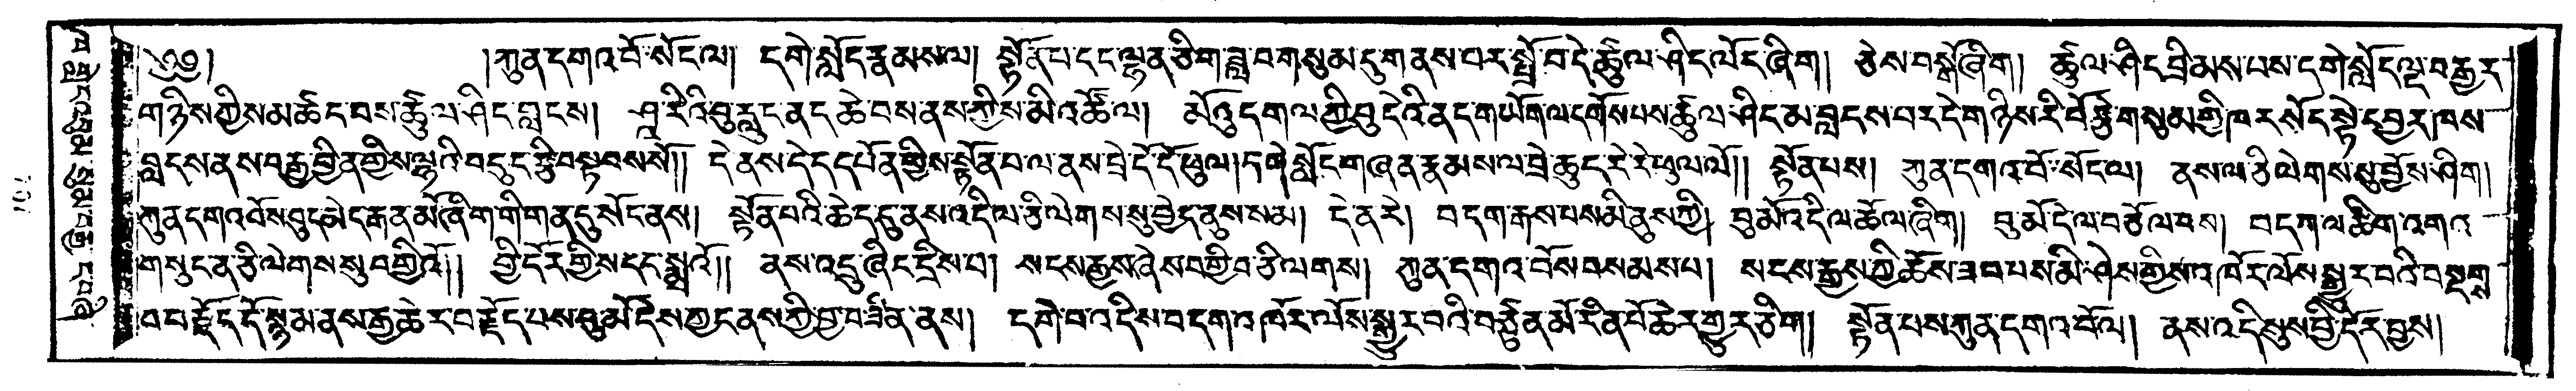༄༅། །ཀུན་དགའ་བོ་སོང་ལ། དགེ་སློང་རྣམས་ལ། སྟོན་པ་དང་ལྷན་ཅིག་ཟླ་བ་གསུམ་དུ་གནས་བར་སྤྲོ་བ་དེ་ཚུལ་ཤིང་ལོང་ཞིག། ཅེས་བསྒོ་ཞིག། ཚུལ་ཤིང་བྲིམས་པས་དགེ་སློང་ལྔ་བརྒྱར་
གཉིས་ཀྱིས་མ་ཚང་བས་ཚུལ་ཤིང་བླངས། ཤཱ་རིའི་བུ་རླུང་ནད་ཆེ་བས་ནས་ཀྱིས་མི་འཚོ་ལ། མོའུ་དགལ་ཀྱི་བུ་དེའི་ནད་གཡོག་ལ་དགོས་པས་ཚུལ་ཤིང་མ་བླངས་པར་དེ་གཉིས་རི་བོ་རྩེ་གསུམ་གྱི་ཁར་སོང་སྟེ་དབྱར་ཁས་
བླངས་ནས་བརྒྱ་བྱིན་གྱིས་ལྷའི་བདུད་རྩི་བསྟབས་སོ།། དེ་ནས་དེད་དཔོན་གྱིས་སྟོན་པ་ལ་ནས་བྲེ་དོ་དོ་ཕུལ། དགེ་སློང་གཞན་རྣམས་ལ་བྲེ་ཆུང་རེ་རེ་ཕུལ་ལོ།། སྟོན་པས། ཀུན་དགའ་བོ་སོང་ལ། ནས་ལ་ཅི་ལེགས་སུ་བྱོས་ཤིག།
ཀུན་དགའ་བོས་བུད་མེད་རྒན་མོ་ཞིག་གི་གན་དུ་སོང་ནས། སྟོན་བའི་ཆེད་དུ་ནས་འདི་ལ་ཅི་ལེགས་སུ་བྱེད་ནུས་སམ། དེ་ན་རེ། བདག་རྒས་པས་མི་ནུས་ཀྱི། བུ་མོ་འདི་ལ་ཆོལ་ཞིག། བུ་མོ་དེ་ལ་བཅོལ་བས། བདག་ལ་ཚིག་འགའ་
གསུང་ན་ཅི་ལེགས་སུ་བགྱིའོ།། བྱི་དོར་གྱིས་དང་སྨྲའོ།། ནས་འདྲུ་ཞིང་དྲིས་པ། སངས་རྒྱས་ཞེས་བགྱི་བ་ཅི་ལགས། ཀུན་དགའ་བོས་བསམས་པ། སངས་རྒྱས་ཀྱི་ཆོས་ཟབ་པས་མི་ཤེས་གྱིས་འཁོར་ལོས་སྒྱུར་བའི་བསྔགས་
བ་བརྗོད་དོ་སྙམ་ནས་རྒྱ་ཆེར་བརྗོད་པས་བུ་མོ་དེས་ཀྱང་ནས་ཀྱི་བྱ་བ་ཟིན་ནས། དགེ་བ་འདིས་བདག་འཁོར་ལོས་སྒྱུར་བའི་བཙུན་མོ་རིན་པོ་ཆེར་གྱུར་ཅིག། སྟོན་པས་ཀུན་དགའ་བོ་ལ། ནས་འདི་སུས་བྱི་དོར་བྱས།